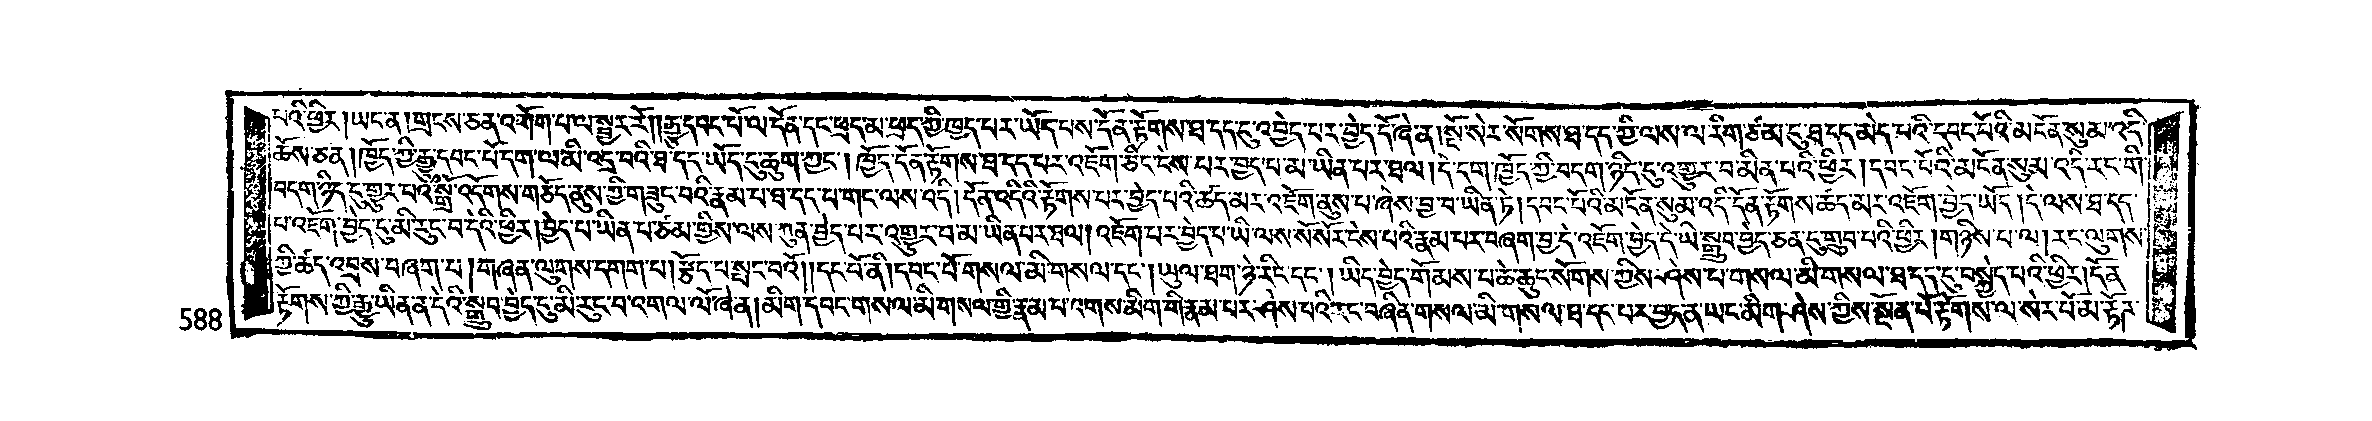པའི་ཕྱིར། ཡང་ན། གྲངས་ཅན་འགོག་པ་ལ་སྦྱར་རོ། །རྒྱུ་དབང་པོ་ལ་དོན་དང་ཕྲད་མ་ཕྲད་ཀྱི་ཁྱད་པར་ཡོད་པས་དོན་རྟོགས་ཐ་དད་དུ་འབྱེད་པར་བྱེད་དོ་ཞེ་ན། སྔོ་སེར་སོགས་ཐ་དད་ཀྱི་ལས་ལ་རིག་ཙམ་དུ་ཐ་དད་མེད་པའི་དབང་པོའི་མངོན་སུམ་འདི་
ཆོས་ཅན། ཁྱོད་ཀྱི་རྒྱུ་དབང་པོ་དག་ལ་མི་འདྲ་བའི་ཐ་དད་ཡོད་དུ་ཆུག་ཀྱང་། ཁྱོད་དོན་རྟོགས་ཐ་དད་པར་འཇོག་ཅིང་ངེས་པར་བྱད་པ་མ་ཡིན་པར་ཐལ། དེ་དག་ཁྱོད་ཀྱི་བདག་ཉིད་དུ་འགྱུར་བ་མིན་པའི་ཕྱིར། དབང་པོའི་མངོན་སུམ་འདི་རང་གི་
བདག་ཉིད་དུ་གྱུར་པའི་སྒྲོ་འདོགས་གཅོད་ནུས་ཀྱི་གཟུང་བའི་རྣམ་པ་ཐ་དད་པ་གང་ལས་འདི། དོན་འདིའི་རྟོགས་པར་བྱེད་པའི་ཚད་མར་འཇིག་ནུས་པ་ཞེས་བྱ་བ་ཡིན་ཏེ། དབང་པོའི་མངོན་སུམ་འདི་དོན་རྟོགས་ཚད་མར་འཇོག་བྱེད་ཡོད། དེ་ལས་ཐ་དད་
པ་འཇོག་བྱེད་དུ་མི་རུང་བ་དེའི་ཕྱིར། བྱེད་པ་ཡིན་པ་ཙམ་གྱིས་ལས་ཀུན་བྱེད་པར་འགྱུར་བ་མ་ཡིན་པར་ཐལ། འཇོག་པར་བྱེད་པ་ཡི་ལས་སོ་སོར་ངེས་པའི་རྣམ་པར་བཞག་བྱ་དེ་འཇོག་བྱེད་དེ་ཡི་སྒྲུབ་བྱེད་ཅན་དུ་གྲུབ་པའི་ཕྱིར། གཉིས་པ་ལ། རང་ལུགས་
ཀྱི་ཚད་འབྲས་བཞག་པ། གཞན་ལུགས་དགག་པ། རྩོད་པ་སྤང་བའོ། །དང་པོ་ནི། དབང་པོ་གསལ་མི་གསལ་དང་། ཡུལ་ཐག་ཉེ་རིང་དང་། ཡིད་བྱེད་གོམས་པ་ཆེ་ཆུང་སོགས་ཀྱིས་ཤེས་པ་གསལ་མི་གསལ་ཐ་དད་དུ་བསྐྱེད་པའི་ཕྱིར། དེན་
རྟོགས་ཀྱི་རྒྱུ་ཡིན་ན་དེའི་སྒྲུབ་བྱེད་དུ་མི་རུང་བ་འགལ་ལོ་ཞེ་ན། མིག་དབང་གསལ་མི་གསལ་གྱི་རྣམ་པ་འགས་མིག་གི་རྣམ་པར་ཤེས་པའི་རང་བཞིན་གསལ་མི་གསལ་ཐ་དད་པར་བྱེད་ན་ཡང་མིག་ཤེས་ཀྱིས་སྔོན་པོ་རྟོགས་ལ་སེར་པོ་མ་རྟོཌ་?